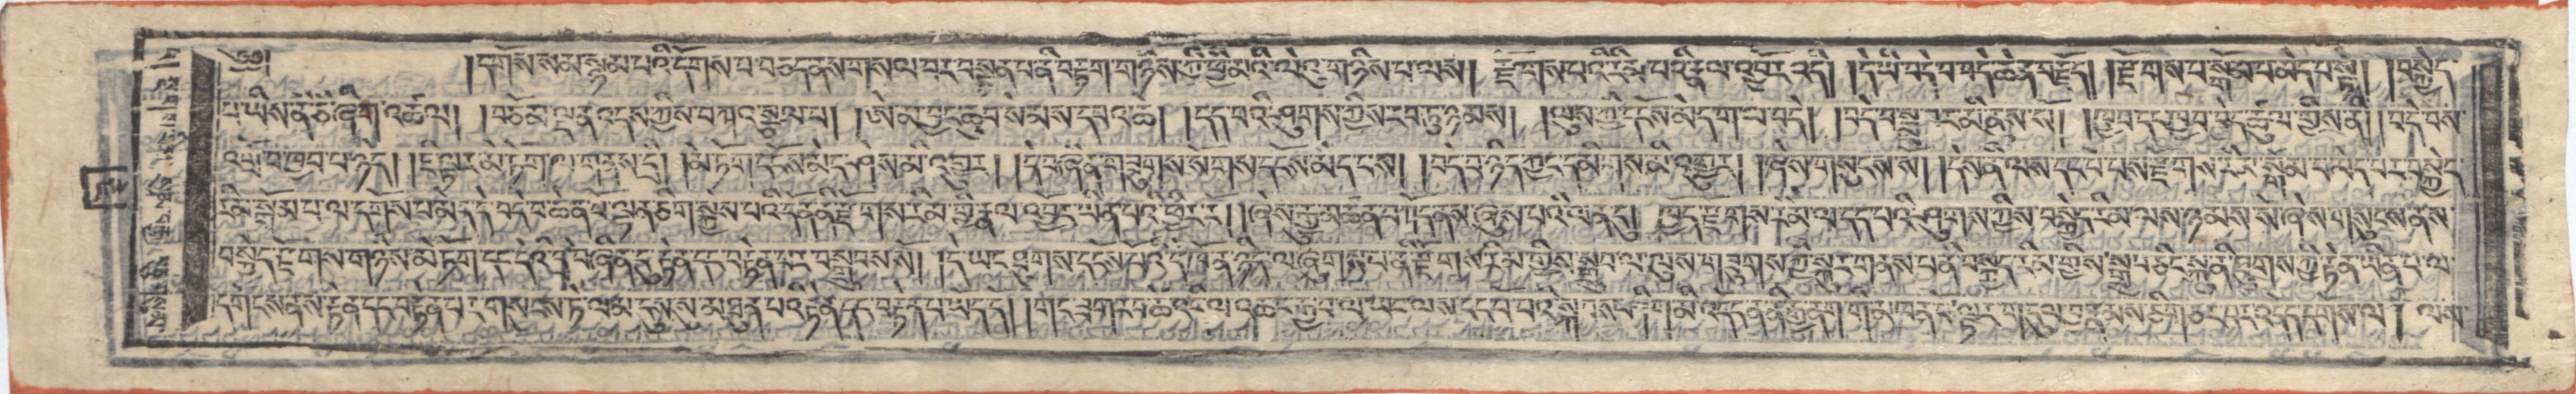༄༅། །དགོས་སམ་སྙམ་པའི་དོགས་པ་བཅད་ནས་གསལ་བར་བསྟན་པ་ནི་བརྟག་གཉིས་ཀྱི་ཕྱི་མའི་ལེའུ་གཉིས་པ་ལས། རྫོགས་པའི་རིམ་པའི་རྣལ་འབྱོར་འདི། །དེ་ཡི་བདེ་བ་བདེ་ཆེན་བརྗོད། །རྫོགས་པ་སྒོམ་པ་མེད་པ་སྟེ། །བསྐྱེད་
པ་ཡིས་ནི་ཅི་ཞིག་འཚལ། །བཅོམ་ལྡན་འདས་ཀྱིས་བཀའ་སྩལ་པ། །ཨེ་མ་བྱང་ཆུབ་སེམས་དཔའ་ཆེ། །དད་པའི་ཤུགས་ཀྱིས་རབ་ཏུ་ཉམས། །ལུས་ཀྱི་དངོས་མེད་ག་ལ་བདེ། །བདེ་བ་སྨྲ་བར་མི་ནུས་སོ། །ཁྱབ་དང་ཁྱབ་བྱེད་ཚུལ་གྱིས་ནི། །བདེ་བས་
འགྲོ་བ་ཁྱབ་པ་ཉིད། །ཇི་ལྟར་མེ་ཏོག་ལ་གནས་དྲི། །མེ་ཏོག་དངོས་མེད་ཤེས་མི་འགྱུར། །དེ་བཞིན་གཟུགས་སོགས་དངོས་མེད་པས། །བདེ་བ་ཉིད་ཀྱང་དམིགས་མི་འགྱུར། །ཞེས་གསུངས་སོ། །དེས་ནི་ལས་དང་པོ་པས་རྫོགས་རིམ་སྒོམ་པ་མེད་པར་བསྐྱེད་
རིམ་སྒོམ་པ་ལ་དགོས་པ་མེད་དེ་བདེ་བ་ཆེན་པོ་ལྷན་ཅིག་སྐྱེས་པའི་དོན་ནི་རྫོགས་རིམ་གྱི་རྣལ་འབྱོར་ཡིན་པའི་ཕྱིར་རོ། །ཞེས་རྒྱུ་མཚན་བཀོད་ནས་ཞུས་པའི་ལན་དུ། ཁྱོད་རྫོགས་རིམ་ལ་དད་པའི་ཤུགས་ཀྱིས་བསྐྱེད་རིམ་ལས་ཉམས་སོ་ཞེས་གསུངས་ནས་
བསྐྱེད་རྫོགས་གཉིས་མེ་ཏོག་དང་དེའི་དྲི་བཞིན་དུ་རྟེན་དང་བརྟེན་པར་བསྒྲུབས་སོ། །དེ་ཡང་ཐུགས་དངོས་པོའི་དེ་ཁོ་ན་ཉིད་ལ་ཞུགས་པ་ནི་རྫོགས་རིམ་གྱིས་སྒྲུབ་ལ་ལུས་གཟུགས་ཀྱི་སྐུར་གནས་པ་ནི་བསྐྱེད་རིམ་གྱིས་སྒྲུབ་ཅིང་སྐུ་ནི་ཐུགས་ཀྱི་རྟེན་ཡིན་པ་ལ་
དགོངས་ནས་རྟེན་དང་བརྟེན་པར་གསུངས་ཏེ་ལམ་དུས་སུ་མཐུན་པའི་རྟེན་དང་བརྟེན་པ་ཡོད་དོ། །གང་ཟག་རབ་ཚེ་འདི་ལ་འཆང་རྒྱ་བ་ལ་ཡང་ལས་དང་པོ་པའི་སྐབས་ཤིག་མི་འདོད་ན་ནི་རྒྱ་ནག་གི་མཁན་པོ་ལྟར་གདུལ་བྱ་རྣམས་ཅིག་ཅར་བར་འདོད་དགོས་ལ། ལས་